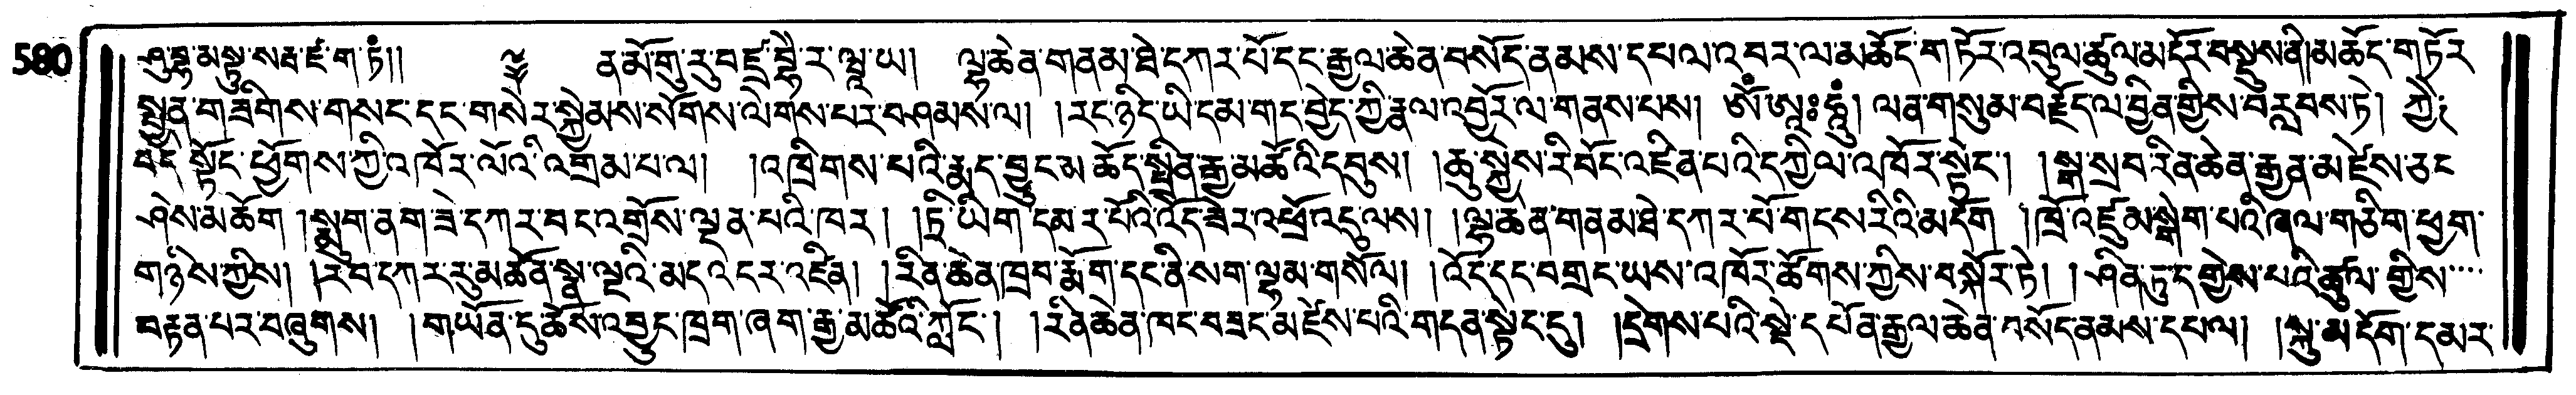ཤུ་བྷ་མསྟུ་སརྦ་ཛ་ག་ཏཾ།། འ་ན་མོ་གུ་རུ་བཛྲ་བྷཻ་ར་ཝཱ་ཡ། ལྷ་ཆེན་གནམ་ཐེ་དཀར་པོ་དང་རྒྱལ་ཆེན་བསོད་ནམས་དཔལ་འབར་ལ་མཆོད་གཏོར་འབུལ་ཚུལ་མདོར་བསྡུས་ནི། མཆོད་གཏོར་
སྤྱན་གཟིགས་གསང་དང་གསེར་སྐྱེམས་སོགས་ལེགས་པར་བཤམས་ལ། །རང་ཉིད་ཡི་དམ་གང་བྱེད་ཀྱི་རྣལ་འབྱོར་ལ་གནས་པས། ཨོཾ་ཨཱཿཧཱུཾ། ལན་གསུམ་བརྗོད་ལ་བྱིན་གྱིས་བརླབས་ཏེ། ཀྱཻ༑
བདེ་སྟོང་ཕྱོགས་ཀྱི་འཁོར་ལོའི་འགྲམ་པ་ལ། །འཁྲིགས་པའི་རྨད་བྱུང་མཆོད་སྤྲིན་རྒྱ་མཚོའི་དབུས། །ཆུ་སྐྱེས་རི་བོང་འཛིན་པའི་དཀྱིལ་འཁོར་སྟེང་། །སྒ་སྲབ་རིན་ཆེན་རྒྱན་མཛེས་ཅང་
ཤེས་མཆོག །སྨུག་ནག་ཟེ་དཀར་བང་འགྲོས་ལྡན་པའི་ཁར། །ཏྲི་ཡིག་དམར་པོའི་འོད་ཟེར་འཕྲོ་འདུ་ལས། །ལྷ་ཆེན་གནམ་ཐེ་དཀར་པོ་གངས་རིའི་མདོག །ཁྲོ་འཛུམ་སྒེག་པའི་ཞལ་གཅིག་ཕྱག་
གཉིས་ཀྱིས། །རབ་དཀར་རུ་མཚོན་སྣ་ལྔའི་མངའ་དར་འཛིན། །རིན་ཆེན་ཁྲབ་རྨོག་དང་ནི་སག་ལྷམ་གསོལ། །འོད་དང་བགྲང་ཡས་འཁོར་ཚོགས་ཀྱིས་བསྐོར་ཏེ། །ཤིན་ཏུ་དགྱེས་པའི་ཚུལ་གྱིས་་་
བརྟན་པར་བཞུགས། །གཡོན་དུ་ཆོས་འབྱུང་ཁྲག་ཞག་རྒྱ་མཚོའི་ཀློང་། །རིན་ཆེན་ཁང་བཟང་མཛེས་པའི་གདན་སྟེང་དུ། །དྲེགས་པའི་སྡེ་དཔོན་རྒྱལ་ཆེན་བསོད་ནམས་དཔལ། །སྐུ་མདོག་དམར་